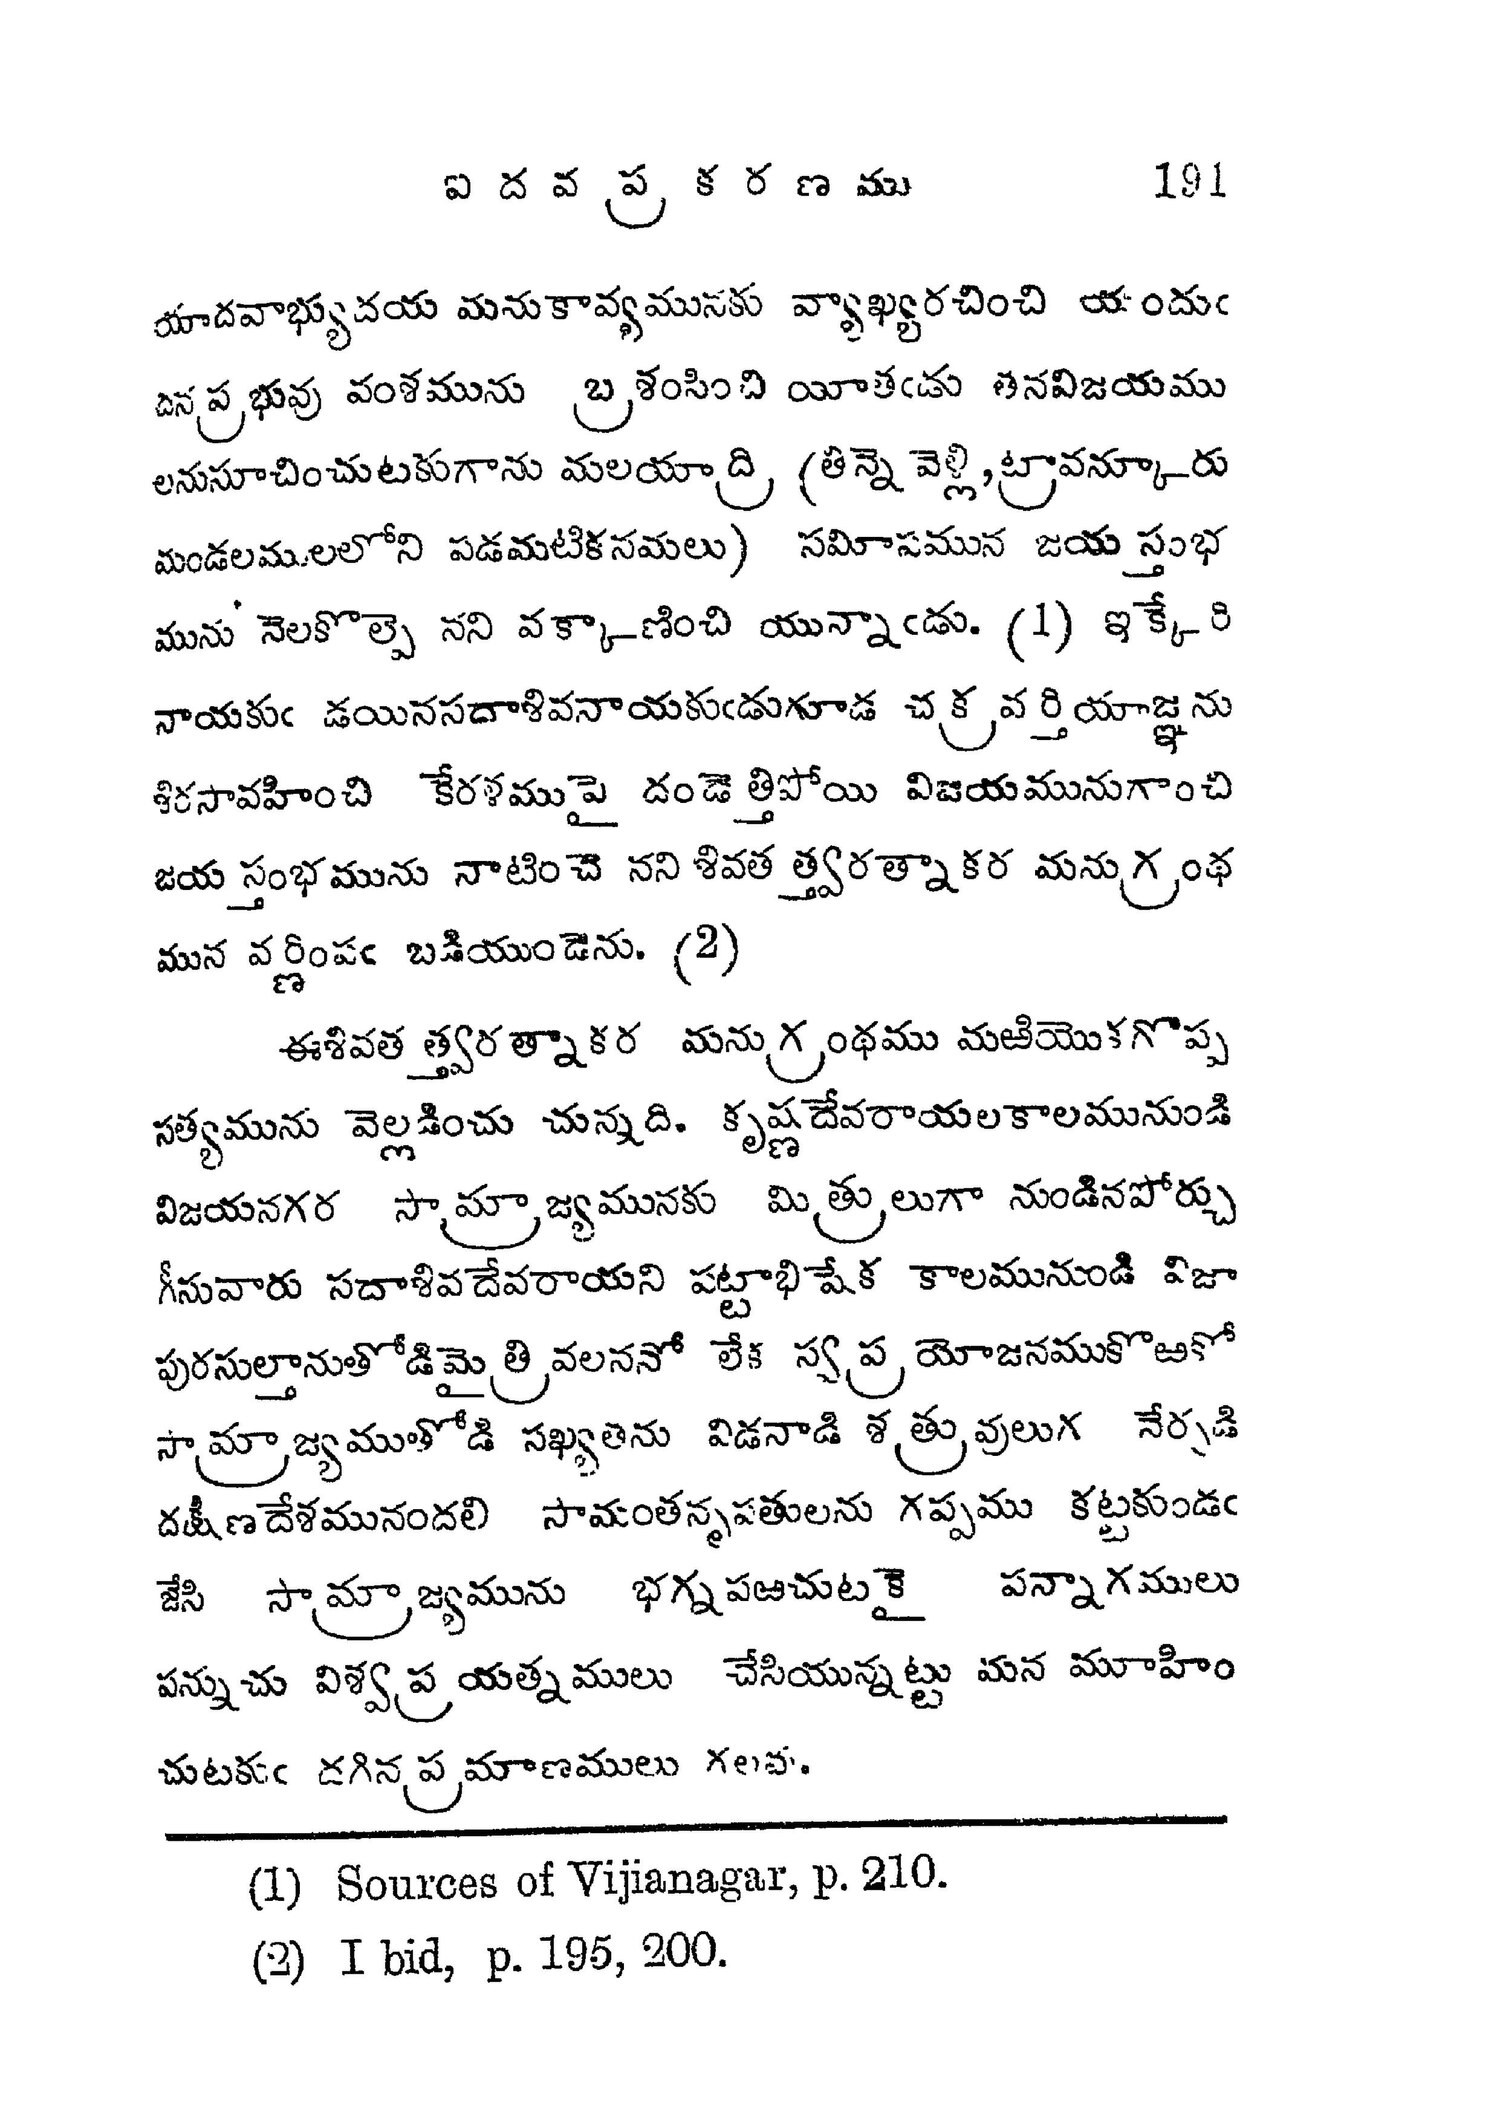యాదవాభ్యుదయ మనుకావ్యమునకు వ్యాఖ్యరచించి యందు దనప్రభువు వంశమును బ్రశంసించి యీతడు తనవిజయములను సూచించుటకుగాను మలయాద్రి (తిన్నెవెళ్లి, ట్రావన్కూరు మండలములలోని పడమటికనమలు) సమీపమున జయస్తంభమును నెలకొల్పె నని వక్కాణించి యున్నాడు. ఇక్కేరినాయకు డయిన సదాశివనాయకుడుగూడ చక్రవర్తియాజ్ఞను శిరసావహించి కేరళముపై దండెత్తిపోయి విజయమును గాంచి జయస్తంభమును నాటించె నని శివతత్త్వరత్నాకర మనుగ్రంథమున వర్ణింప బడియుండెను. 

ఈశివతత్త్వరత్నాకర మనుగ్రంథము మఱియొకగొప్ప సత్యమును వెల్లడించు చున్నది. కృష్ణదేవరాయల కాలమునుండి విజయనగర సామ్రాజ్యమునకు మిత్రులుగా నుండినపోర్చుగీసువారు సదాశివదేవరాయని పట్టాభిషేక కాలమునుండి విజాపురసుల్తానుతోడి మైత్రివలననో లేక స్వప్రయోజనముకొఱకో సామ్రాజ్యముతోడి సఖ్యతను విడనాడి శత్రువులుగ నేర్పడి దక్షిణదేశమునందలి సామంతనృపతులను గప్పము కట్టకుండ జేసి సామ్రాజ్యమును భగ్నపఱచుటకై పన్నాగములు పన్నుచు విశ్వప్రయత్నములు చేసియున్నట్టు మనమూహించుటకు దగినప్రమాణములు గలవు.